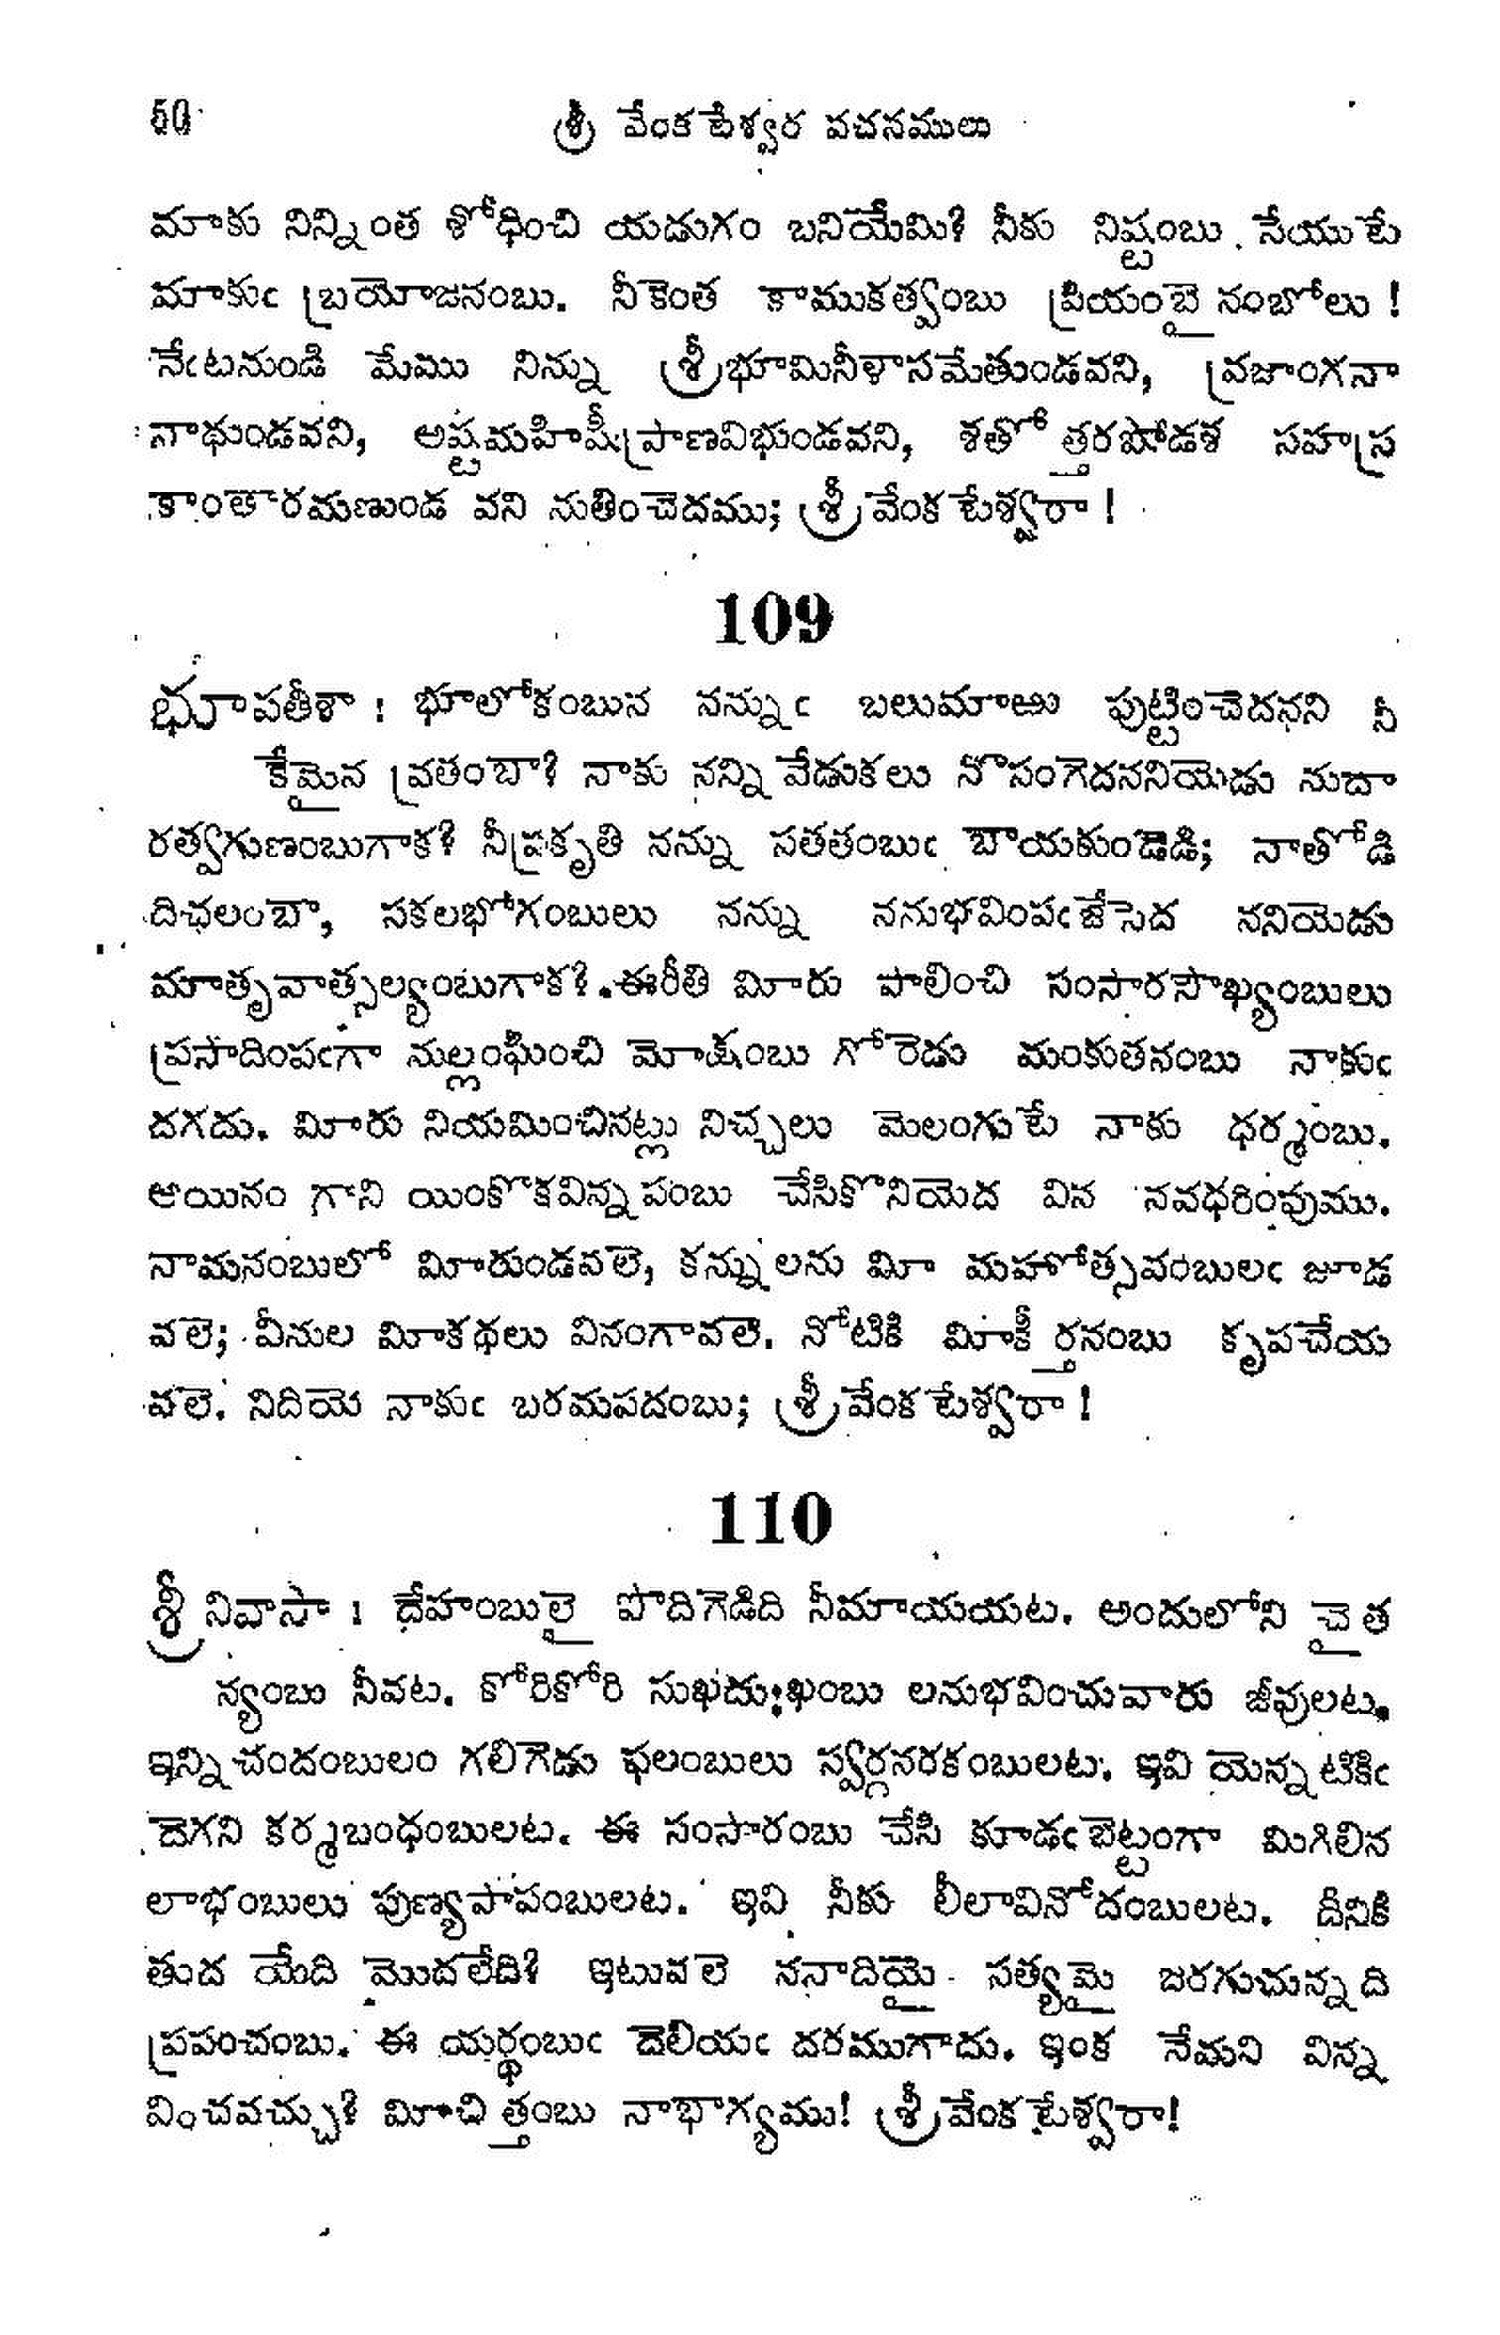మాకు నిన్నింత శోధించి యడుగం బనియేమి? నీకు నిష్టంబు సేయుటే మాకుఁబ్రయోజనంబు. నీకెంత కాముకత్వంబు ప్రియంబై నంబోలు ! "నేఁటనుండి మేము నిన్ను శ్రీ భూమినీళాసమేతుండవని, వ్రజాంగనానాథుండవని, అష్టమహిషీప్రాణవిభుండవని, శతో త్తరపోడశ సహస్ర కాంతారమణుండ వని నుతించెదము; శ్రీ వేంకటేశ్వరా ! .

109 

 ! భూలోకంబున నన్నుఁ బలుమాఱు పుట్టించెదనని నీకేమైన వ్రతంబా? నాకు నన్ని వేడుకలు నొసంగెదననియెడు నుదా రత్వగుణంబుగాక? నీప్రకృతి నన్ను సతతంబుఁ బాయకుండెడి; నాతోడి దిఛలంబా, సకలభోగంబులు నన్ను ననుభవింపఁ జేసెద ననియెడు మాతృవాత్సల్యంబుగాక, ఈరీతి మిారు పాలించి సంసార సౌఖ్యంబులు ప్రసాదింపఁగా నుల్లంఘించి మోక్షంబు గోరెడు మంకుతనంబు నాకుఁ దగదు. మీరు నియమించినట్లు నిచ్చలు మెలంగు టే నాకు ధర్మంబు. అయినం గాని యింకొకవిన్నపంబు చేసికొనియెద విన 'నవధరింపుము. నామనంబులో మీరుండవలె, కన్ను లను మీ మహోత్సవంబులఁ జూడ వలె; వీనుల మీకథలు వినంగావలె. నోటికి మీకీర్తనంబు కృపచేయవలె. నిదియె నాకుఁ బరమపదంబు; శ్రీ వేంకటేశ్వరా !

110 

 ! దేహంబులై పొదిగెడిది నీ మాయయట. అందులోని చైతన్యంబు నీవట, కోరికోరి సుఖదుఃఖంబు లనుభవించువారు జీవులట, ఇన్ని చందంబులం గలిగెడు ఫలంబులు స్వర్గనరకంబులట. ఇవీ యెన్నటికి దెగని కర్మబంధంబులట, ఈ సంసారంబు చేసి కూడఁ బెట్టంగా మిగిలిన లాభంబులు పుణ్యపాపంబులట. ' ఇవి నీకు లీలావినోదంబులట. దీనికి తుద యేది మొదలేది? ఇటువలె ననాదియై సత్యమై జరగుచున్నదిప్రపంచంబు. ఈ యర్ధంబుఁ దెలియఁ దరముగాదు. ఇంక నేమని విన్న వించవచ్చు? మీచిత్తంబు నాభాగ్యము! శ్రీవేంక టేశ్వరా!